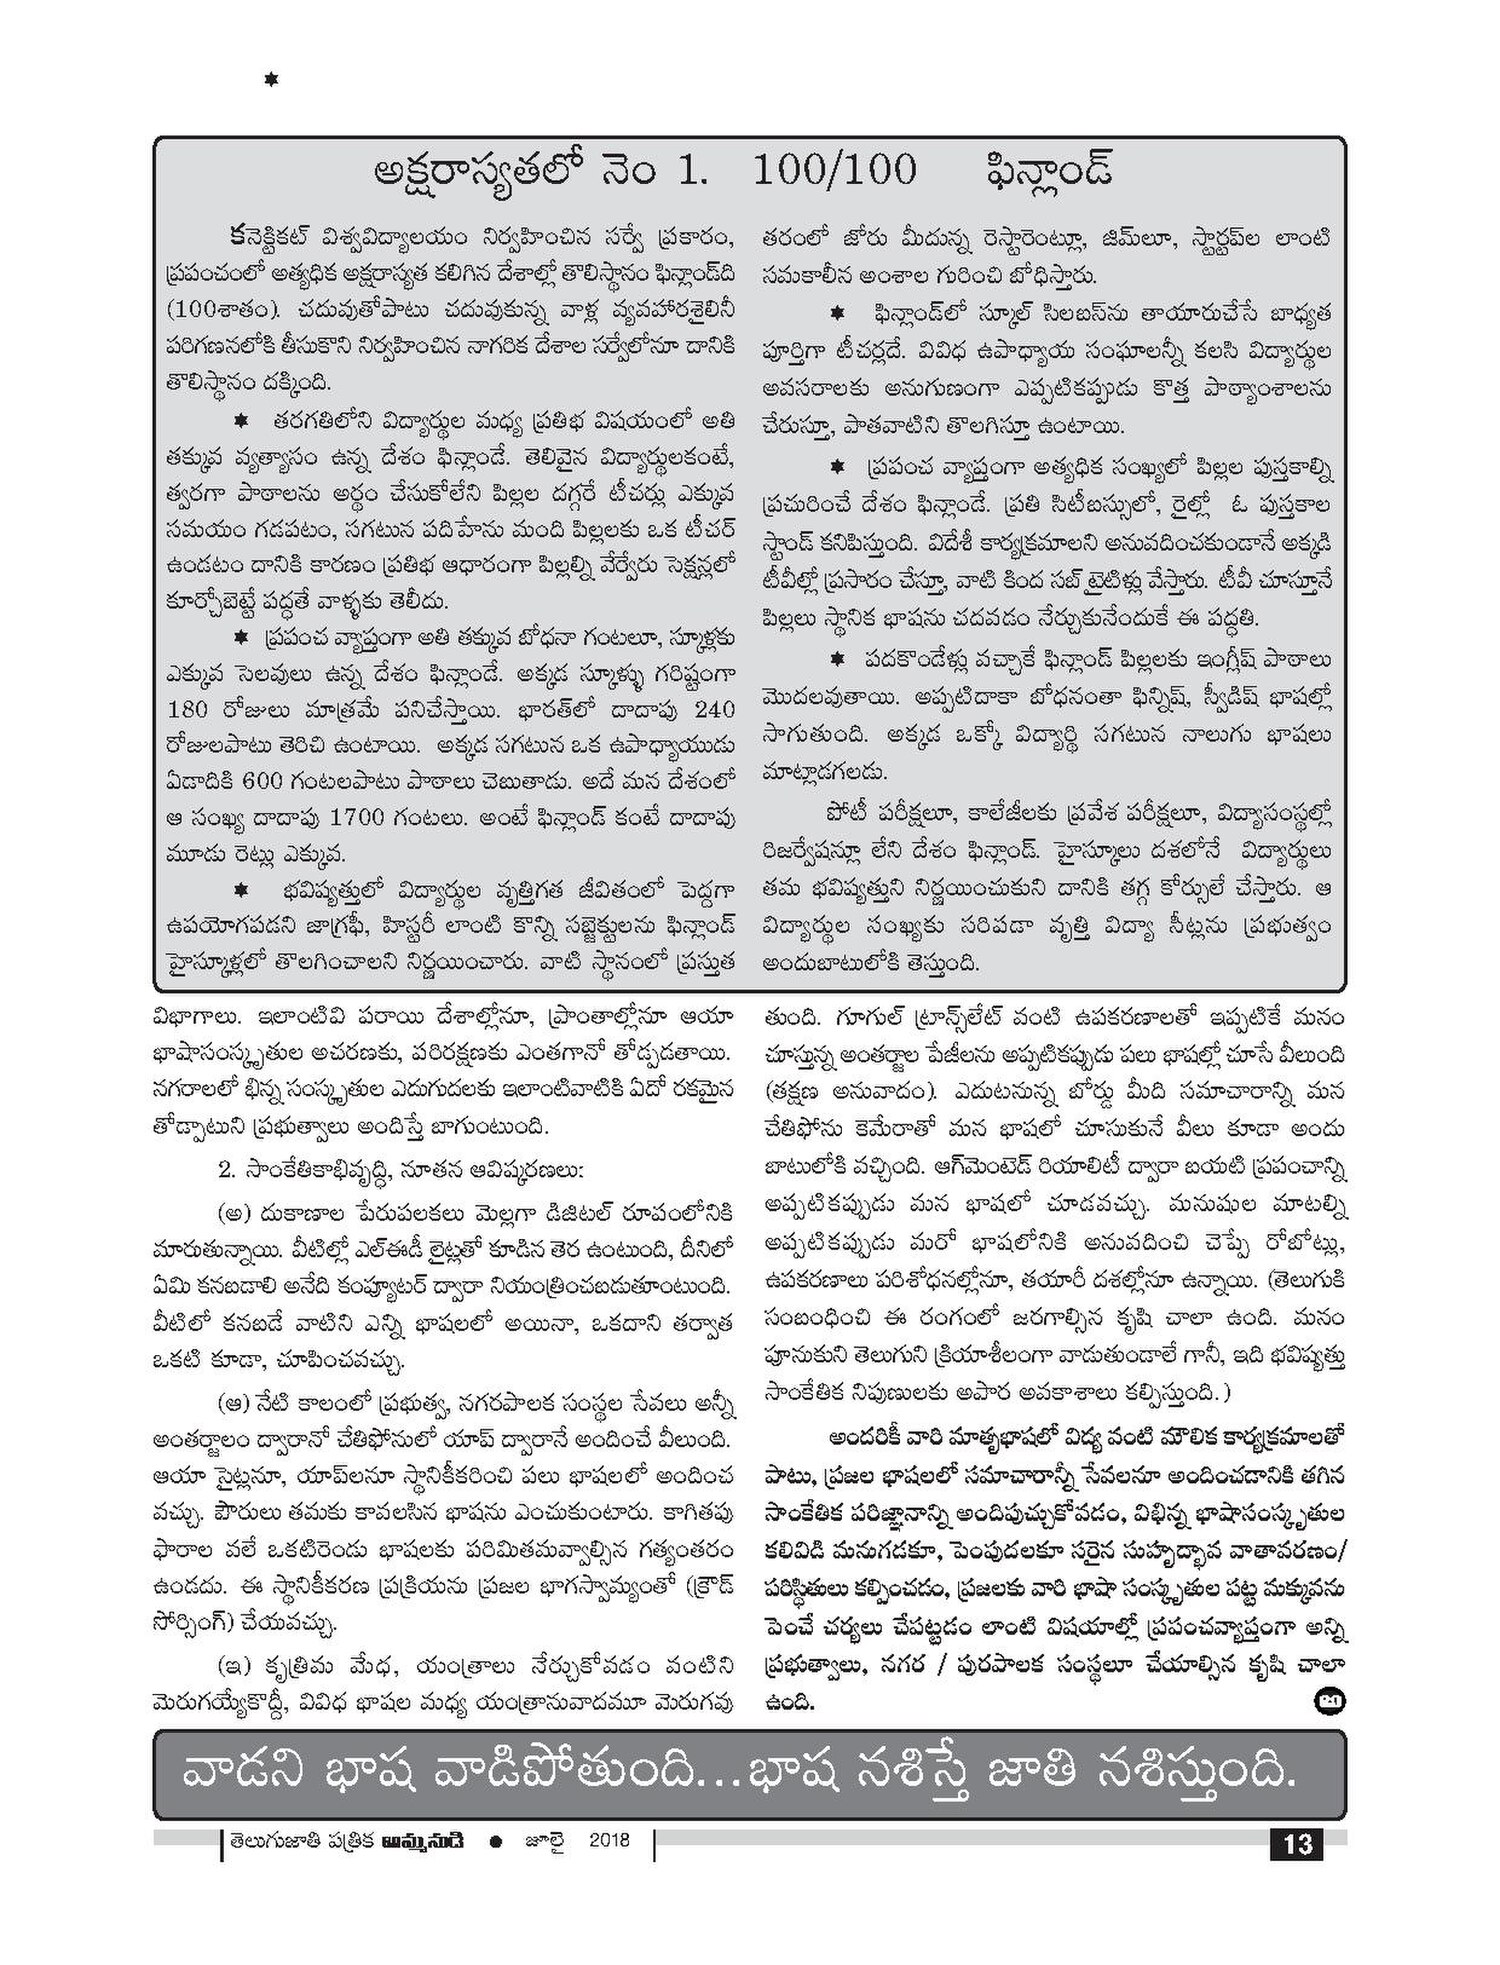అక్షరాస్యతలో నెం 1. 100/100 ఫిన్లాండ్

కనెక్టికట్‌ విశ్వవిద్యాలయం నిర్వహించిన సర్వే ప్రకారం, ప్రపంచంలో అత్యధిక అక్షరాస్యత కలిగిన దేశాల్లో తొలిస్థానం ఫిన్లాండ్‌ది (100శాతం). చదువుతోపాటు చదువుకున్న వాళ్ల వ్యవహారశైలినీ
పరిగణనలోకి తీసుకొని నిర్వహించిన నాగరిక దేశాల సర్వేలోనూ దానికి తొలిస్థానం దక్కింది.

 తరగతిలోని విద్యార్థుల మధ్య ప్రతిభ విషయంలో అతి తక్కువ వ్యత్యాసం ఉన్న దేశం ఫిన్లాండే. తెలివైన విద్యార్థులకంటే, త్వరగా పాఠాలను అర్థం చేసుకోలేని పిల్లల దగ్గరే టీచర్లు ఎక్కువ సమయం గడపటం, సగటున వదిహేను మంది పిల్లలకు ఒక టీచర్‌ ఉండటం దానికి కారణం ప్రతిభ ఆధారంగా పిల్లల్ని వేర్వేరు సెక్షన్లలో కూర్చోబెట్టే పద్ధతే వాళ్ళకు తెలీదు.

 ప్రపంచ వ్యాప్తంగా అతి తక్కువ బోధనా గంటలూ, స్కూళ్లకు ఎక్కువ సెలవులు ఉన్న దేశం ఫిన్లాండే. అక్కడ స్కూళ్ళు గరిష్టంగా 180 రోజులు మాత్రమే పనిచేస్తాయి. భారత్‌లో దాదాపు 240 రోజులపాటు తెరిచి ఉంటాయి. అక్కడ సగటున ఒక ఉపాధ్యాయుడు ఏడాదికి 600 గంటలపాటు పాఠాలు చెబుతాడు. అదే మన దేశంలో ఆ సంఖ్య దాదాపు 1700 గంటలు. అంటే ఫిన్లాండ్‌ కంటే దాదాపు
మూడు రెట్లు ఎక్కువ.

 భవిష్యత్తులో విద్యార్థుల వృత్తిగత జీవితంలో పెద్దగా ఉపయోగపడని జాగ్రఫీ, హిస్టరీ లాంటి కొన్ని సబ్జెక్టులను ఫిన్లాండ్‌ హైస్కూళ్లలో తొలగించాలని నిర్ణయించారు. వాటి స్థానంలో ప్రస్తుత తరంలో జోరు మీదున్న రెస్టారెంట్లూ, జిమ్‌లూ, స్టార్టప్‌ల లాంటి సమకాలీన అంశాల గురించి బోధిస్తారు.

 ఫిన్లాండ్‌లో స్కూల్‌ సిలబస్‌ను తాయారుచేసే బాధ్యత పూర్తిగా టీచర్లదే. వివిధ ఉపాధ్యాయ సంఘాలన్నీ కలసి విద్యార్థుల అవసరాలకు అనుగుణంగా ఎప్పటికప్పుడు కొత్త పాఠ్యాంశాలను
చేరుస్తూ, పాతవాటిని తొలగిస్తూ ఉంటాయి.

 ప్రపంచ వ్యాప్తంగా అత్యధిక సంఖ్యలో పిల్లల పుస్తకాల్ని ప్రచురించే దేశం ఫిన్లాండే. ప్రతి సిటీబస్సులో, రైల్లో ఓ పుస్తకాల స్టాండ్‌ కనిపిస్తుంది. విదేశీ కార్యక్రమాలని అనువదించకుందానే అక్కడి టీవీల్లో ప్రసారం చేస్తూ, వాటి కింద సబ్‌ టైటిళ్లు వేస్తారు. టీవీ చూస్తూనే పిల్లలు స్థానిక భాషను చదవడం నేర్చుకునేందుకే ఈ పద్ధతి.

 పదకొండేళ్లు వచ్చాకే ఫిన్లాండ్‌ పిల్లలకు ఇంగ్లీష్‌ పాఠాలు మొదలవుతాయి. అప్పటిదాకా బోధనంతా ఫిన్నిష్‌, స్వీడిష్‌ భాషల్లో సాగుతుంది. అక్కడ ఒక్కో విద్యార్థి సగటున నాలుగు భాషలు మాట్లాడగలడు.

పోటీ పరీక్షలూ, కాలేజీలకు ప్రవేశ పరీక్షలూ, విద్యాసంస్థల్లో రిజర్వేషన్లూ లేని దేశం ఫిన్లాండ్‌. హైస్కూలు దశలోనే విద్యార్థులు తమ భవిష్యత్తుని నిర్ణయించుకుని దానికి తగ్గ కోర్సులే చేస్తారు. ఆ విద్యార్థుల సంఖ్యకు సరిపడా వృత్తి విద్యా సీట్లను ప్రభుత్వం అందుబాటులోకి తెస్తుంది.

విభాగాలు. ఇలాంటివి పరాయి దేశాల్లోనూ, ప్రాంతాల్లోనూ ఆయా భాషాసంస్కృతుల అచరణకు, పరిరక్షణకు ఎంతగానో తోడ్పడతాయి. నగరాలలో భిన్న సంస్కృతుల ఎదుగుదలకు ఇలాంటివాటికి ఏదో రకమైన తోడ్పాటుని ప్రభుత్వాలు అందిస్తే బాగుంటుంది.

2. సాంకేతికాభివృద్ధి, నూతన ఆవిష్కరణలు:

(అ) దుకాణాల పేరుపలకలు మెల్లగా డిజిటల్‌ రూపంలోనికి మారుతున్నాయి. వీటిల్లో ఎల్‌ఈడీ లైట్లతో కూడిన తెర ఉంటుంది, దీనిలో ఏమి కనబడాలి అనేది కంప్యూటర్‌ ద్వారా నియంత్రించ బడుతూంటుంది. వీటిలో కనబడే వాటిని ఎన్ని భాషలలో అయినా, ఒకదాని తర్వాత ఒకటి కూడా, చూపించవచ్చు.

(ఆ) నేటి కాలంలో ప్రభుత్వ, నగరపాలక సంస్థల సేవలు అన్నీ అంతర్జాలం ద్వారానో చేతిఫోనులో యాప్‌ ద్వారానే అందించే వీలుంది. ఆయా సైట్లనూ, యాప్‌లనూ స్టానికీకరించి పలు భాషలలో అందించవచ్చు. పౌరులు తమకు కావలసిన భాషను ఎంచుకుంటారు. కాగితపు ఫారాల వలే ఒకటిరెండు భాషలకు పరిమితమవ్వాల్సిన గత్యంతరం ఉండదు. ఈ స్థానికీకరణ ప్రక్రియను ప్రజల భాగస్వామ్యంతో (క్రౌడ్‌ సోర్సింగ్‌) చేయవచ్చు.

(ఇ) కృత్రిమ మేధ, యంత్రాలు నేర్చుకోవడం వంటిని మెరుగయ్యేకొద్దీ, వివిధ భాషల మధ్య యంత్రానువాదమూ మెరుగవుతుంది. గూగుల్‌ ట్రాన్స్‌లేట్‌ వంటి ఉపకరణాలతో ఇప్పటికే మనం
చూస్తున్న అంతర్జాల పేజీలను అప్పటికప్పుడు పలు భాషల్లో చూసే వీలుంది (తక్షణ అనువాదం). ఎదుటనున్న బోర్డు మీది సమాచారాన్ని మన చేతిఫోను కెమేరాతో మన భాషలో చూసుకునే వీలు కూడా అందు బాటులోకి వచ్చింది. ఆగ్‌మెంటెడ్‌ రియాలిటీ ద్వారా బయటి ప్రపంచాన్ని అప్పటికప్పుడు మన భాషలో చూడవచ్చు. మనుషుల మాటల్ని అప్పటికప్పుడు మరో భాషలోనికి అనువదించి చెప్పే రోబోట్లు ఉపకరణాలు పరిశోధనల్లోనూ, తయారీ దశల్లోనూ ఉన్నాయి. (తెలుగుకి సంబంధించి ఈ రంగంలో జరగాల్సిన కృషి చాలా ఉంది. మనం పూనుకుని తెలుగుని క్రియాశీలంగా వాడుతుండాలే గానీ, ఇది భవిష్యత్తు సాంకేతిక నిపుణులకు అపార అవకాశాలు కల్పిస్తుంది.)

అందరికీ వారి మాతృభాషలో విద్య వంటి మౌలిక కార్యక్రమాలతో పాటు, ప్రజల భాషలలో సమాచారాన్నీ సేవలనూ అందించడానికి తగిన సాంకేతిక పరిజ్ఞానాన్ని అందిపుచ్చుకోవడం, విభిన్న భాషాసంస్కృతుల కలివిడి మనుగడకూ, పెంపుదలకూ సరైన సుహృద్భావ వాతావరణం/
పరిస్థితులు కల్పించడం, ప్రజలకు వారి భాషా సంస్కృతుల పట్ట మక్కువను పెంచే చర్యలు చేపట్టడం లాంటి విషయాల్లో ప్రపంచవ్యాప్తంగా అన్ని ప్రభుత్వాలు, నగర / పురపాలక సంస్థలూ చేయాల్సిన కృషి చాలా ఉంది.

వాడని భాష వాడిపోతుంది...భాష నశిస్తే జాతి నశిస్తుంది.